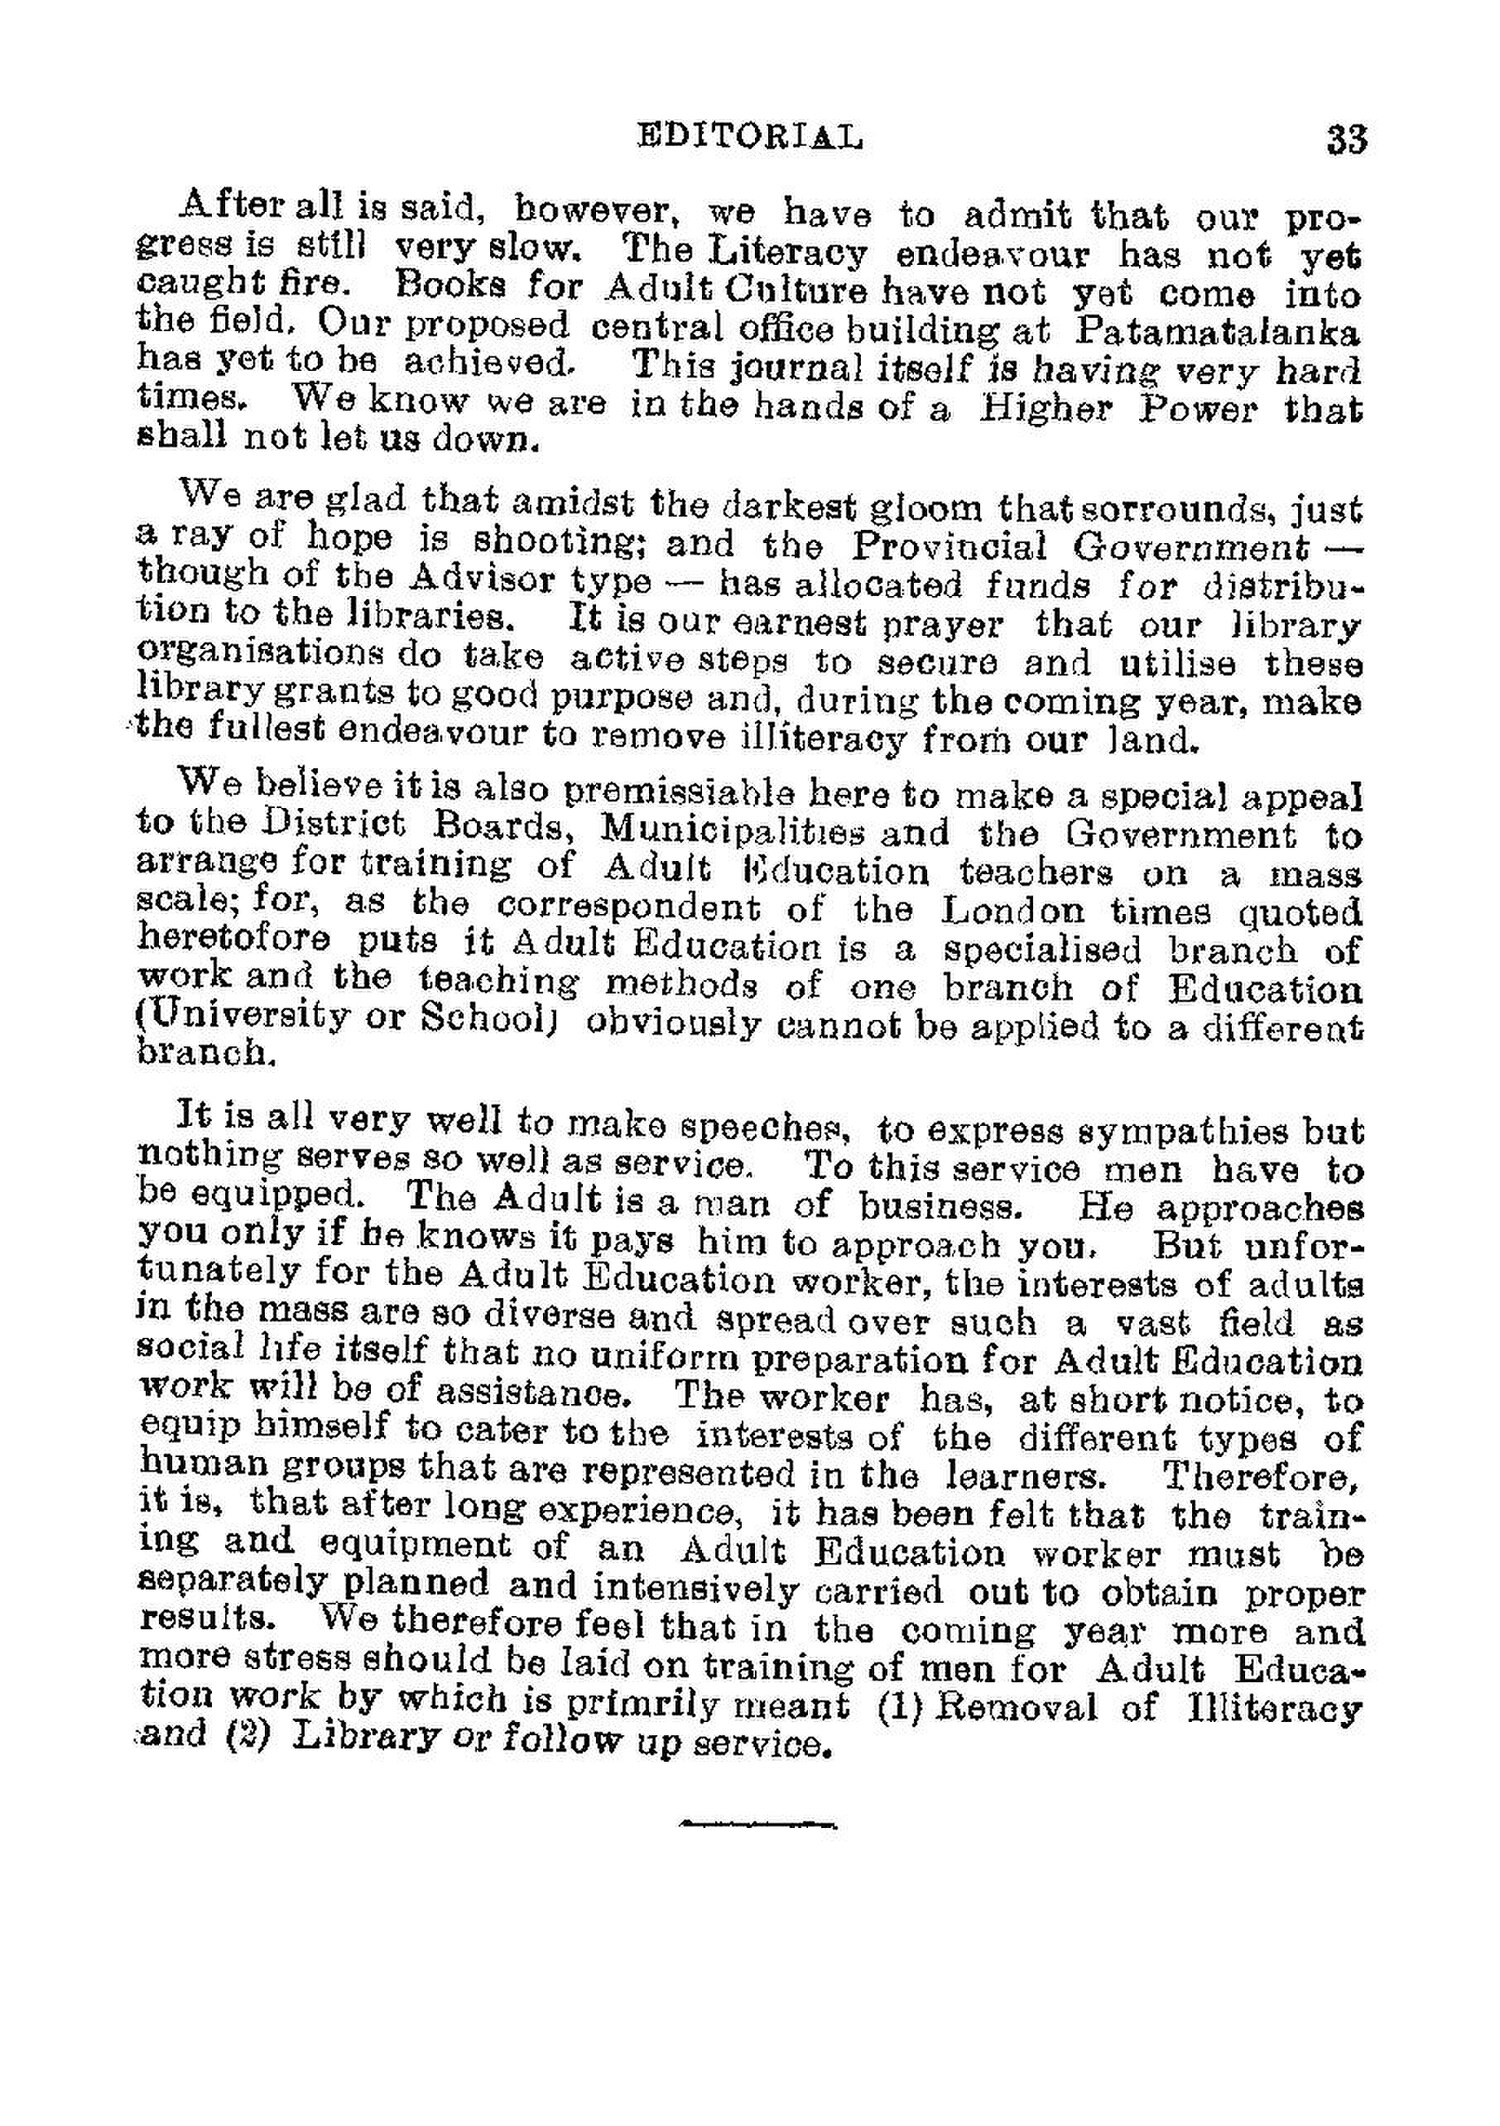After all is said, however, we have to admit that our progress is still very slow. The Literacy endeavor has not yet caught fire. Books for Adult Culture have not yet come into the field. Our proposed central office building 
at Patamatalanka has yet to be achieved. This journal itself is having very hard times. We know we are in the 
hands of a Higher Power that shall not let us down.

We are glad that amidst the darkest gloom that surrounds, just a ray of hope is shooting; and the Provincial Government - though of the Advisor type -- has allocated funds for distribution to the libraries. It is our 
earnest prayer that our library organizations do take active steps to secure and utilize these library grants to good purpose and, during the coming year, make the fullest endeavor to remove illiteracy from our land.

We believe it is also permissible here to make a special appeal to the District Boards, Municipalities and the Government to arrange for training of Adult Education teachers on a mass scale; for, as the correspondent of the London times quoted heretofore puts it Adult Education is a specialized branch of work and the teaching methods 
of one branch of Education (University or School) obviously cannot be applied to a different branch.

It is all very well to make speeches, to express sympathies but nothing serves so well as service. To this 
service men have to be equipped. The Adult is a man of business. He approaches you only if he knows it pays
him to approach you. But unfortunately for the Adult Education worker, the interests of adults in the mass are 
so diverse and spread over such a vast field as social life itself that no uniform preparation for Adult Education
work will be of assistance. The worker has, at short notice, to equip himself to cater to the interests of the different types of human groups that are represented in the learners. Therefore, it is, that after long 
experience, it has been felt that the training and equipment of an Adult Education worker must be separately planned and intensively carried out to obtain proper results. We therefore feel that in the coming year more and
more stress should be laid on training of men for Adult Education work by which is primarily meant (1) Removal of Illiteracy and (2) Library or follow up service.